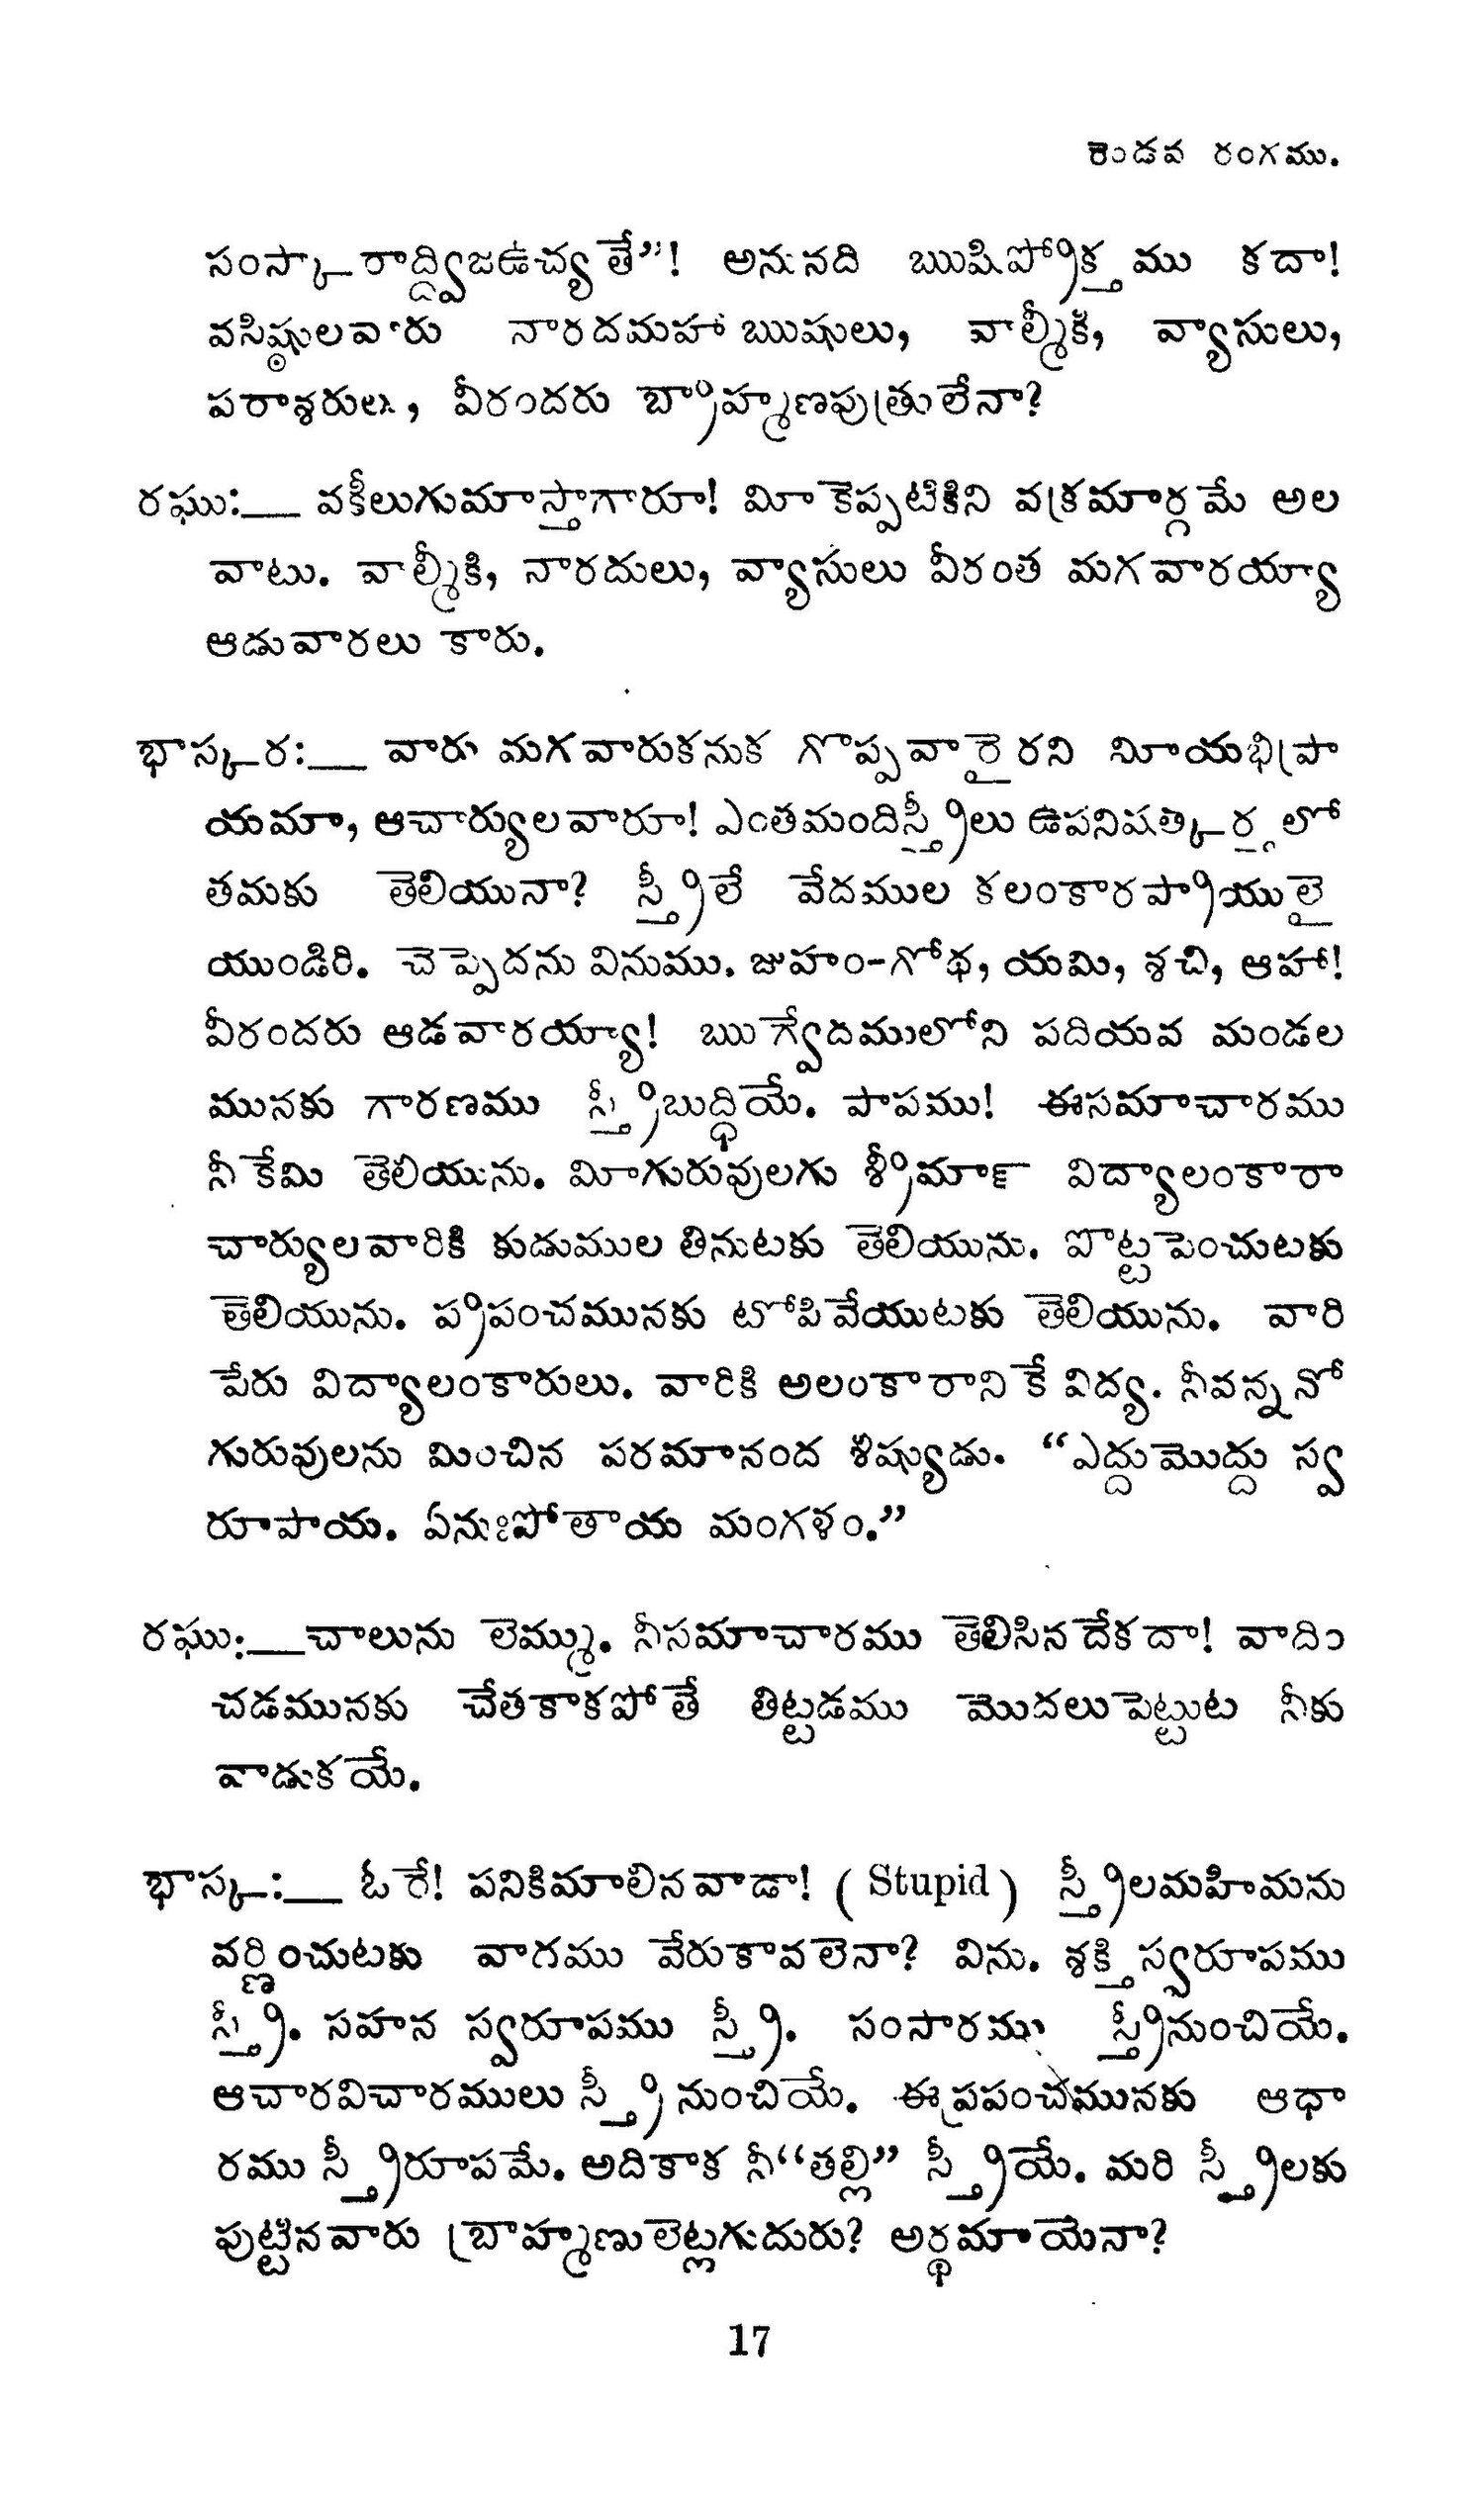సంస్కారాధ్వీజ ఉచ్యతే”! అన నది ఋషి.ప్రోక్తము కదా!
వసిష్ఠులవారు నారదమహా ఋషులు, వాల్మీకి, వ్యాసులు,
పరాశరులు , వీరందరు బాహ్మణపుత్రు లేనా?

రఘు: _వకీలుగుమాస్తాగారూ! మీ కెప్పటికిని వక్రమార్గమే అల
వాటు. వాల్మీకి, నారదులు, వ్యాసులు వీరంత మగ వారయ్యా
ఆడువారలు కారు.

భాస్కర:- వారు మగవారు కనుక గొప్ప వారైరని మాయభిప్రా
యమా, ఆచార్యుల వారూ! ఎంతమంది స్త్రీలు ఉపనిషత్కార లో
తమకు తెలియునా? స్త్రీలే వేదముల కలంకార పాయులై
యుండిరి. చెప్పెదను వినుము. జుహం-గోథ, యమి, శచి, ఆహా!
వీరందరు ఆడవారయ్యా! ఋగ్వేదములోని పదియవ మండల
మునకు గారణము స్త్రీ బుద్ధియే. పాపము! ఈ సమాచారము
నీ కేమి తెలియును. మిగురువులగు శ్రీ మాణ విద్యాలంకారా
చార్యుల వారికి కుడుముల తినుటకు తెలియును. పొట్ట పెంచుటకు
తెలియును. ప్రపంచమునకు టోపి వేయుటకు తెలియును. వారి
పేరు విద్యాలంకారులు. వారికి అలంకారానికే విద్య. నీవన్న నో
గురువులను మించిన పరమానంద శిష్యుడు. “ఎద్దు మొద్దు స్వ
రూపాయ. ఏనుఃపోతాయ మంగళం.”

రఘు:__చాలును లెమ్ము. నీసమాచారము తెలిసినదేకదా! వాదిం
చడమునకు చేతకాకపోతే తిట్టడము మొదలు పెట్టుట నీకు
వాడుకయే.

భాస్క:_ ఓ రే! పనికిమాలిన వాడా! ( Stupid) స్త్రీల మహిమను
వర్ణించుటకు వాదము వేరు కావ లెనా? విను. శక్తి స్వరూపము
స్త్రీ. సహన స్వరూపము స్త్రీ. సంసారము స్త్రీనుంచియే.
ఆచార విచారములు స్త్రీ నుంచి యే. ఈ ప్రపంచమునకు ఆధా
రము స్త్రీ రూపమే. అది కాక నీ తల్లి” స్త్రీయే. మరి స్త్రీలకు
పుట్టిన వారు బ్రాహ్మణు లెట్లగుదురు? అర్థమాయేనా?